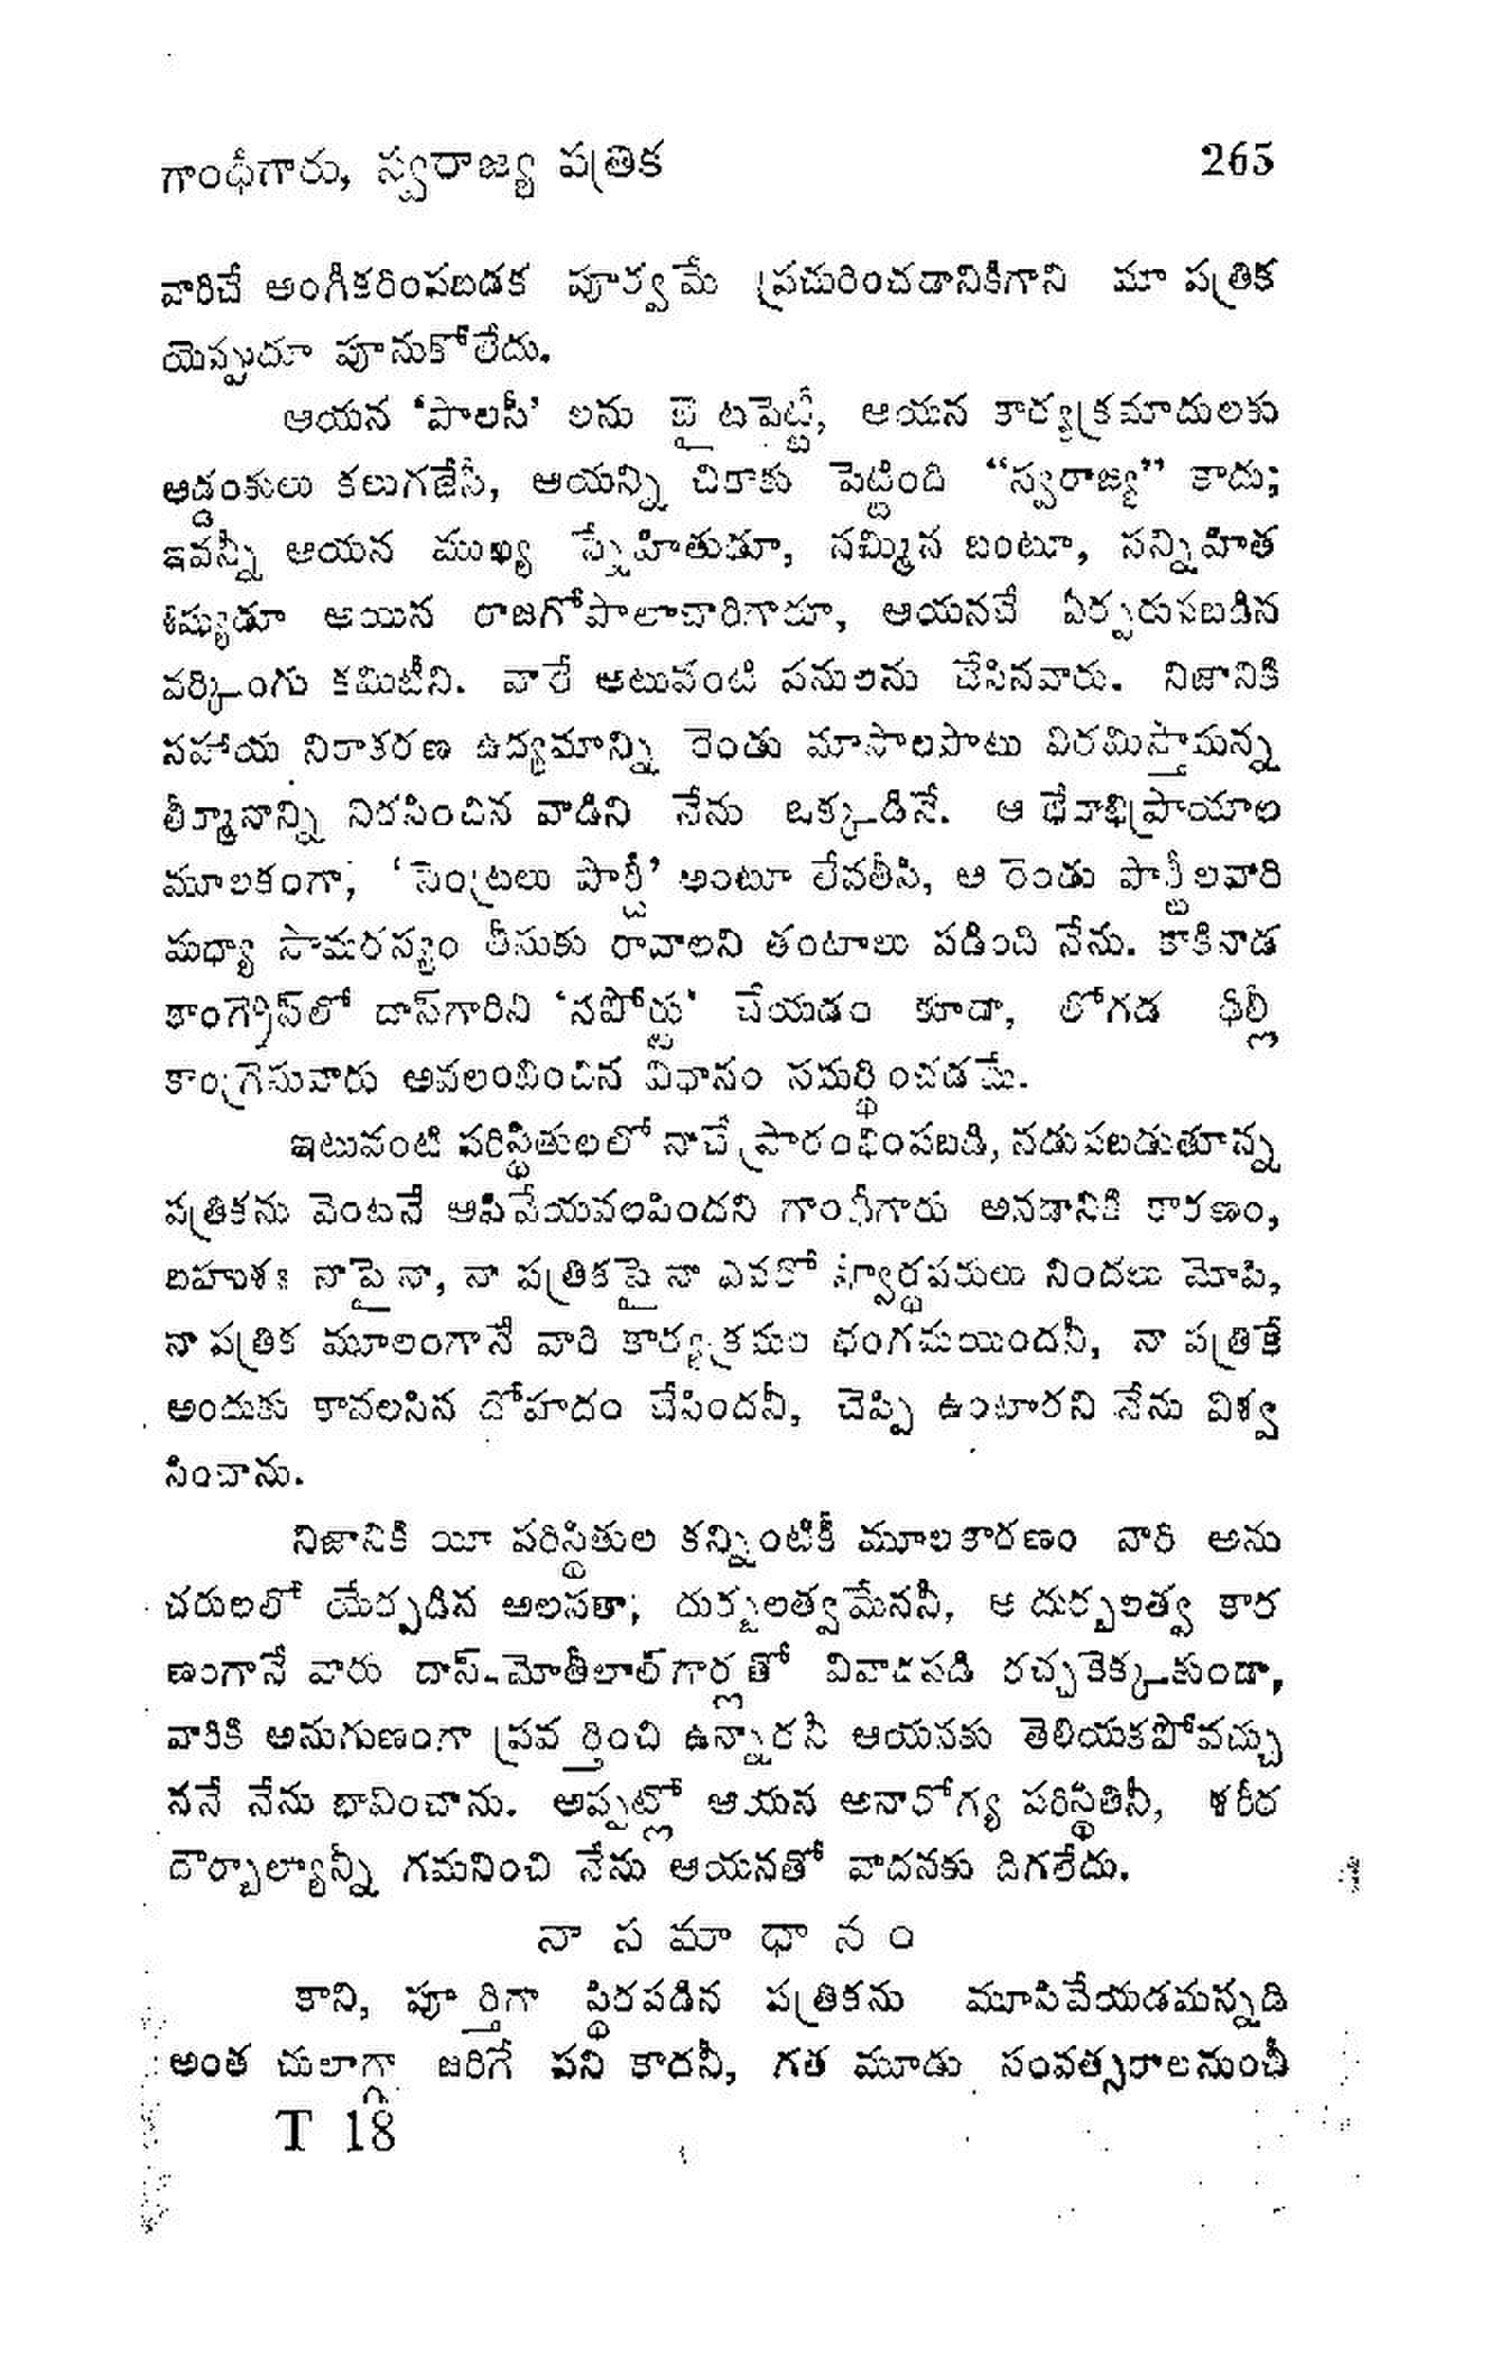వారిచే అంగీకరింపబడక పూర్వమే ప్రచురించడానికిగాని మా పత్రిక యెప్పుడూ పూనుకోలేదు.

ఆయన "పాలసీ" లను బైటపెట్టి, ఆయన కార్యక్రమాదులకు అడ్డంకులు కలుగజేసి, ఆయన్ని చికాకు పెట్టింది "స్వరాజ్య" కాదు; ఇవన్నీ ఆయన ముఖ్య స్నేహితుడూ, నమ్మినబంటూ, సన్నిహిత శిష్యుడూ అయిన రాజగోపాలాచారి గారూ, అయనచే ఏర్పరుపబడిన వర్కింగు కమిటీని, వారే అటువంటి పనులను చేసినవారు. నిజానికి సహాయ నిరాకరణ ఉద్యమాన్ని రెండు మాసాలపాటు విరమిస్తామన్న తీర్మానాన్ని నిరసించిన వాడిని నేను ఒక్కడినే. ఆ భేదాభిప్రాయాల మూలకంగా, "సెంట్రలు పార్టీ" అంటూ లేవతీసి, ఆ రెండుపార్టీలవారి మధ్యా సామరస్యం తీసుకు రావాలని తంటాలు పడింది నేను. కాకినాడ కాంగ్రెస్‌లో దాస్‌గారిని "సపోర్టు" చేయడం కూడా, లోగడ ఢిల్లీ కాంగ్రెసువారు అవలంబించిన విధానం సమర్థించడమే.

ఇటువంటి పరిస్థితులలో నాచే ప్రారంభింపబడి, నడుపబడుతూన్న పత్రికను వెంటనే ఆపివేయవలసిందని గాంధీగారు అనడానికి కారణం, బహుశ:నాపైనా, నాపత్రికపైనా ఎవరో స్వార్థపరులు నిందలు మోపి, నాపత్రిక మూలంగానే వారి కార్యక్రమం భంగమయిందనీ, నా పత్రికే అందుకు కావలసిన దోహదం చేసిందనీ, చెప్పి ఉంటారని నేను విశ్వసించాను.

నిజానికి యీ పరిస్థితుల కన్నింటికీ మూలకారణం వారి అనుచరులలో యేర్పడిన అలసతా, దుర్బలత్వమేనని. ఆ దుర్బలత్వ కారణంగానే వారు దాస్-మోతిలాల్ గార్లతో వివాదపడి రచ్చకెక్కకుండా, వారికి అనుగుణంగా ప్రవర్తించి ఉన్నారనీ ఆయనకు తెలియక పోవచ్చు ననే నేను భావించాను. అప్పట్లో ఆయన అనారోగ్య పరిస్థితినీ, శరీర దౌర్బాల్యాన్నీ గమనించి నేను ఆయనతో వాదనకు దిగలేదు.

కాని, పూర్తిగా స్థిరపడిన పత్రికను మూసివేయడమన్నది అంత చులాగ్గా జరిగే పని కాదనీ, గత మూడు సంవత్సరాలనుంచీ